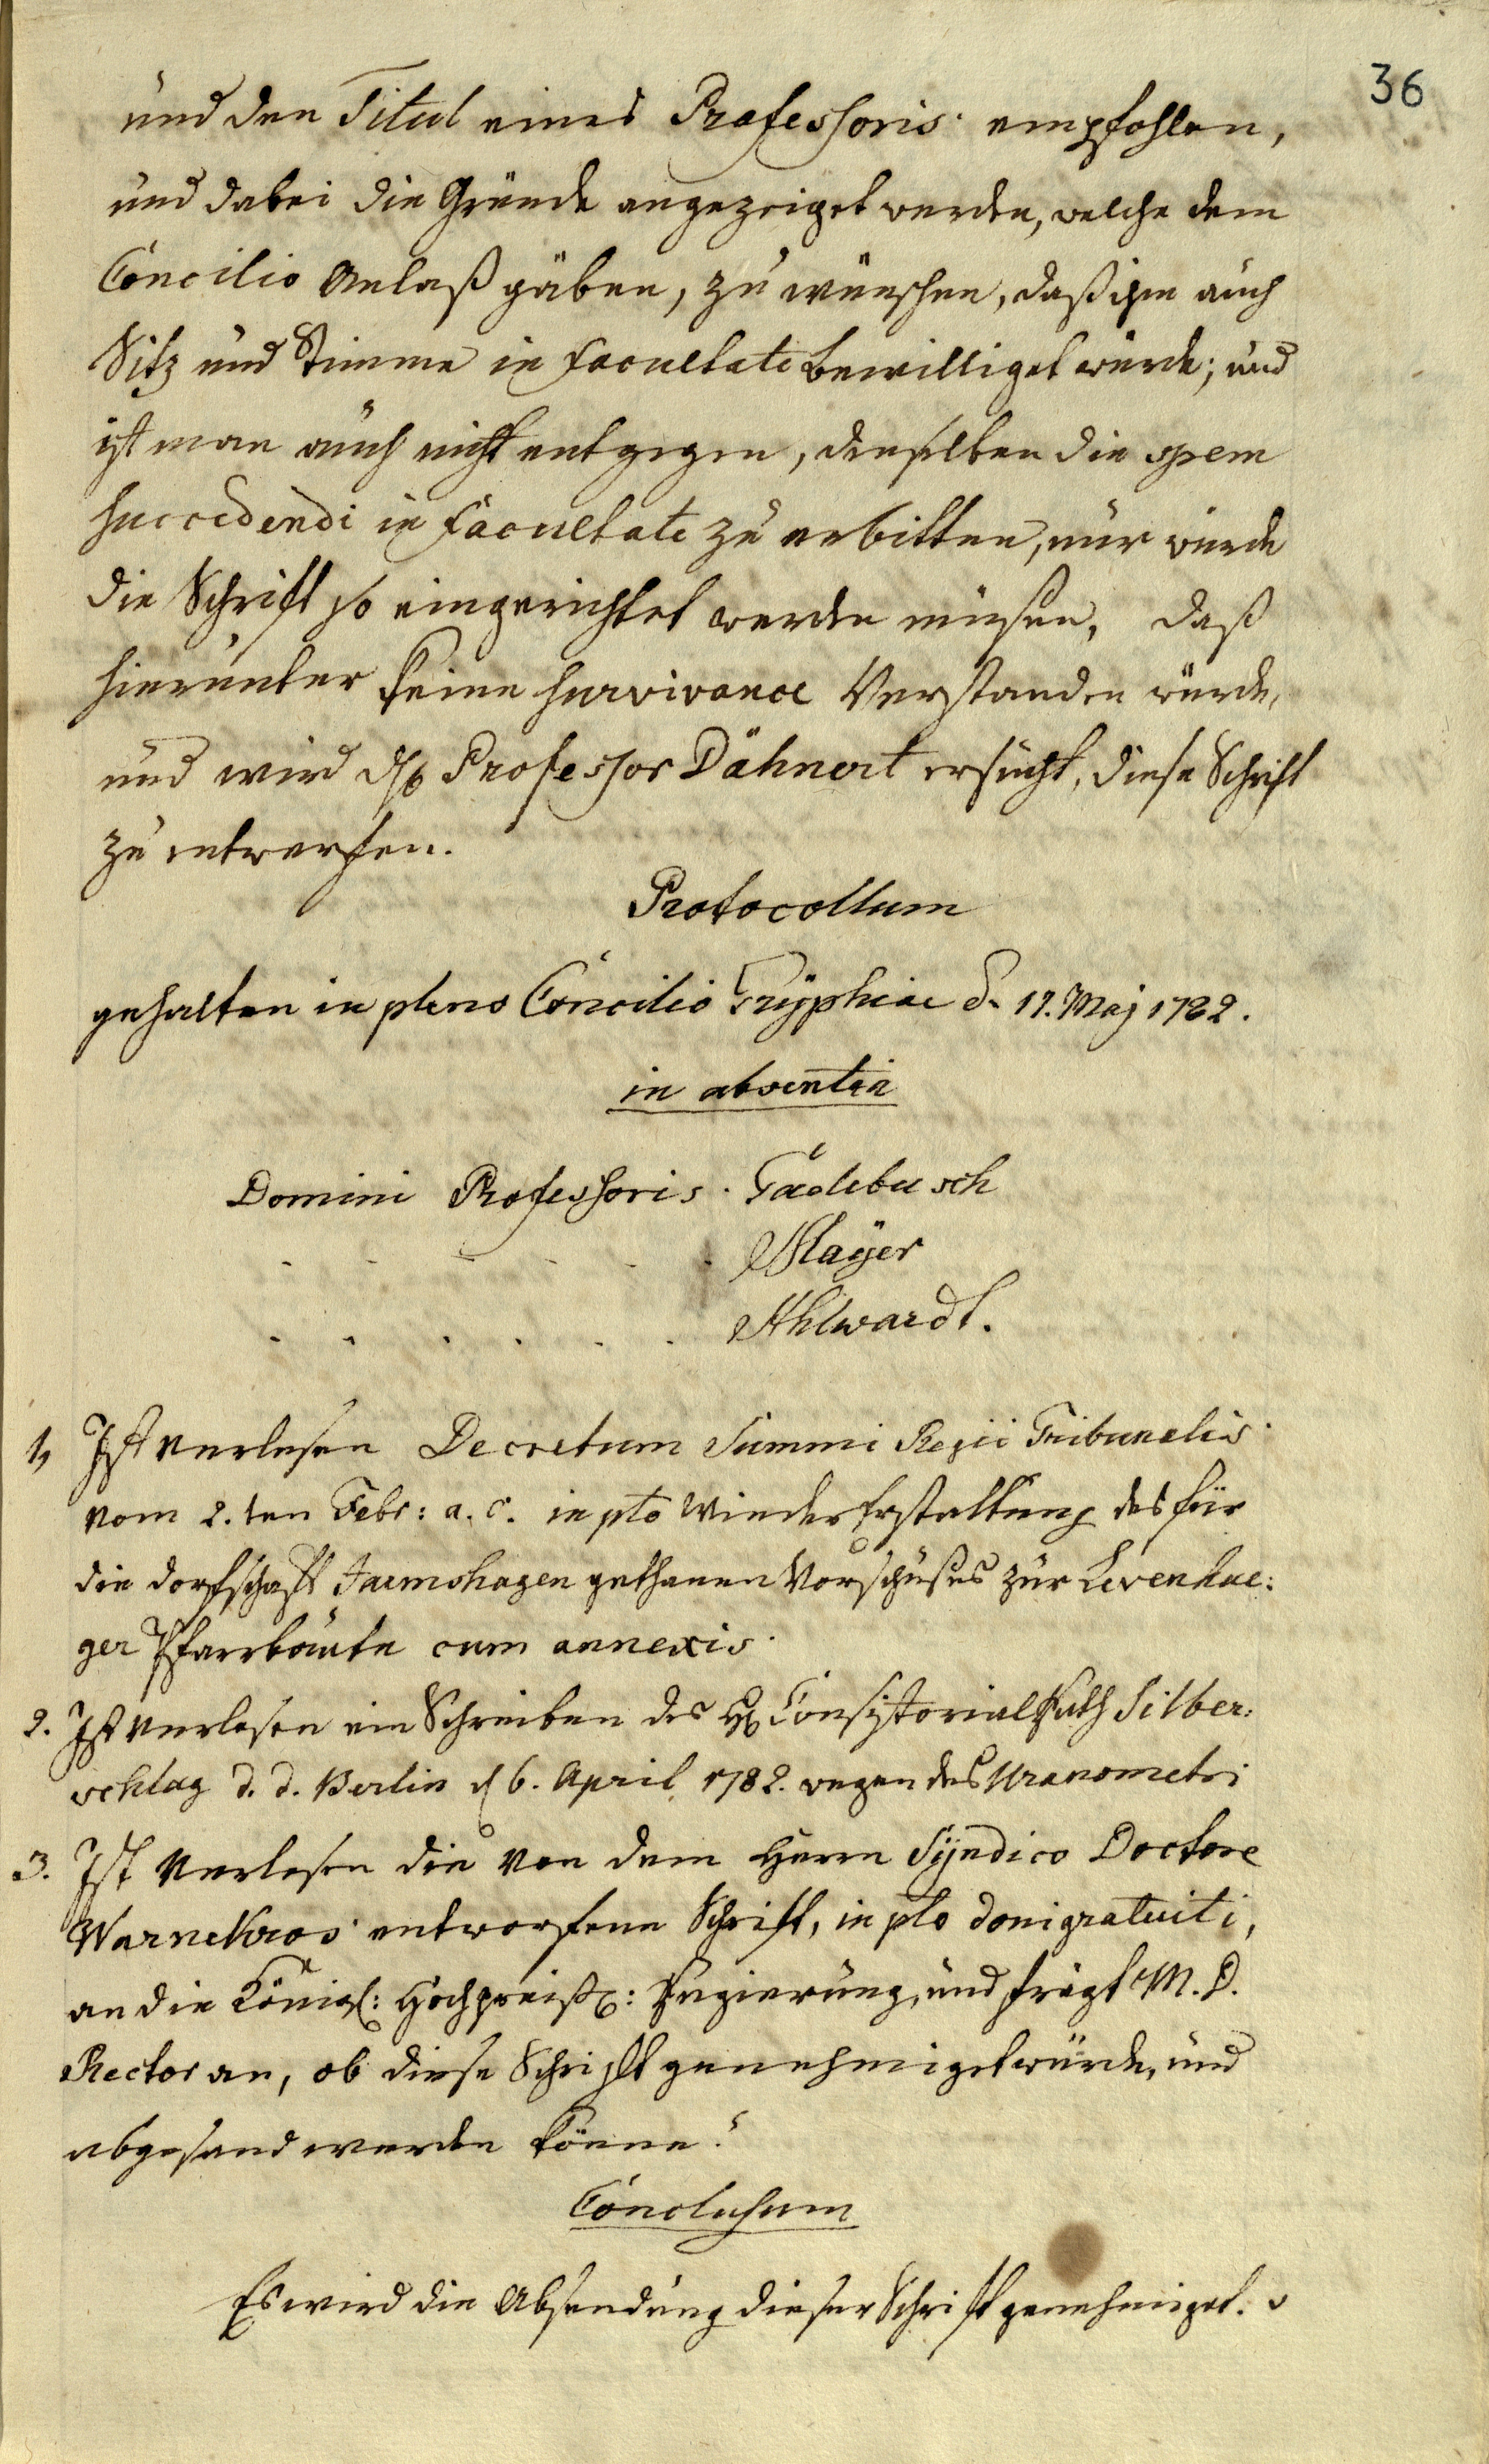und den Titul eines Professoris empfohlen,
und dabei die Gründe angezeiget werden, welche dem
Concilio Anlaß gäben,zu wünschen, daß ihm auch
Sitz und Stimme in Facultate bewilliget würde, und
ist man auch nicht entgegen, denselben in spem
succedendi in Facultate zu erbitten, nur würde
die Schrift so eingerichtet werden müßen, daß
hierunter keine survivance verstanden würde,
und wird dh Professor Dähnert ersucht, diese Schrift
zu entwerfen.
Protocollum
gehalten in pleno Concilio Grÿphiae d. 17. Maj 1782.
in absentia
Domini Professoris Gadebusch
Maÿer
Ahlwardt.
1, Ist verlesen Decretum Summi Regii Tribunalis
vom 2. ten Febr. a. c. in pto Wiedererstattung des für
die Dorfschaft Jarmshagen gethanen Vorschußes zur Levenhae¬
ger Pfarrbaute cum annexis.
2. Ist verlesen ein Schreiben des H ConsistorialRath Silber¬
schlag d. d. Berlin d. 6 April 1782. wegen des Uranometri
3 Ist verlesen die von dem Herrn Sÿndico Doctore
Warnekros entworfene Schrift, in pto donigratuiti,
an die Königl. Hochpreißl. Regierung, und frägt M. D.
Rector an, ob diese Schrift genehmiget würde, und
abgesand werden könne?
Conclusum
Es wird die Absendung dieser Schrift genehmiget.